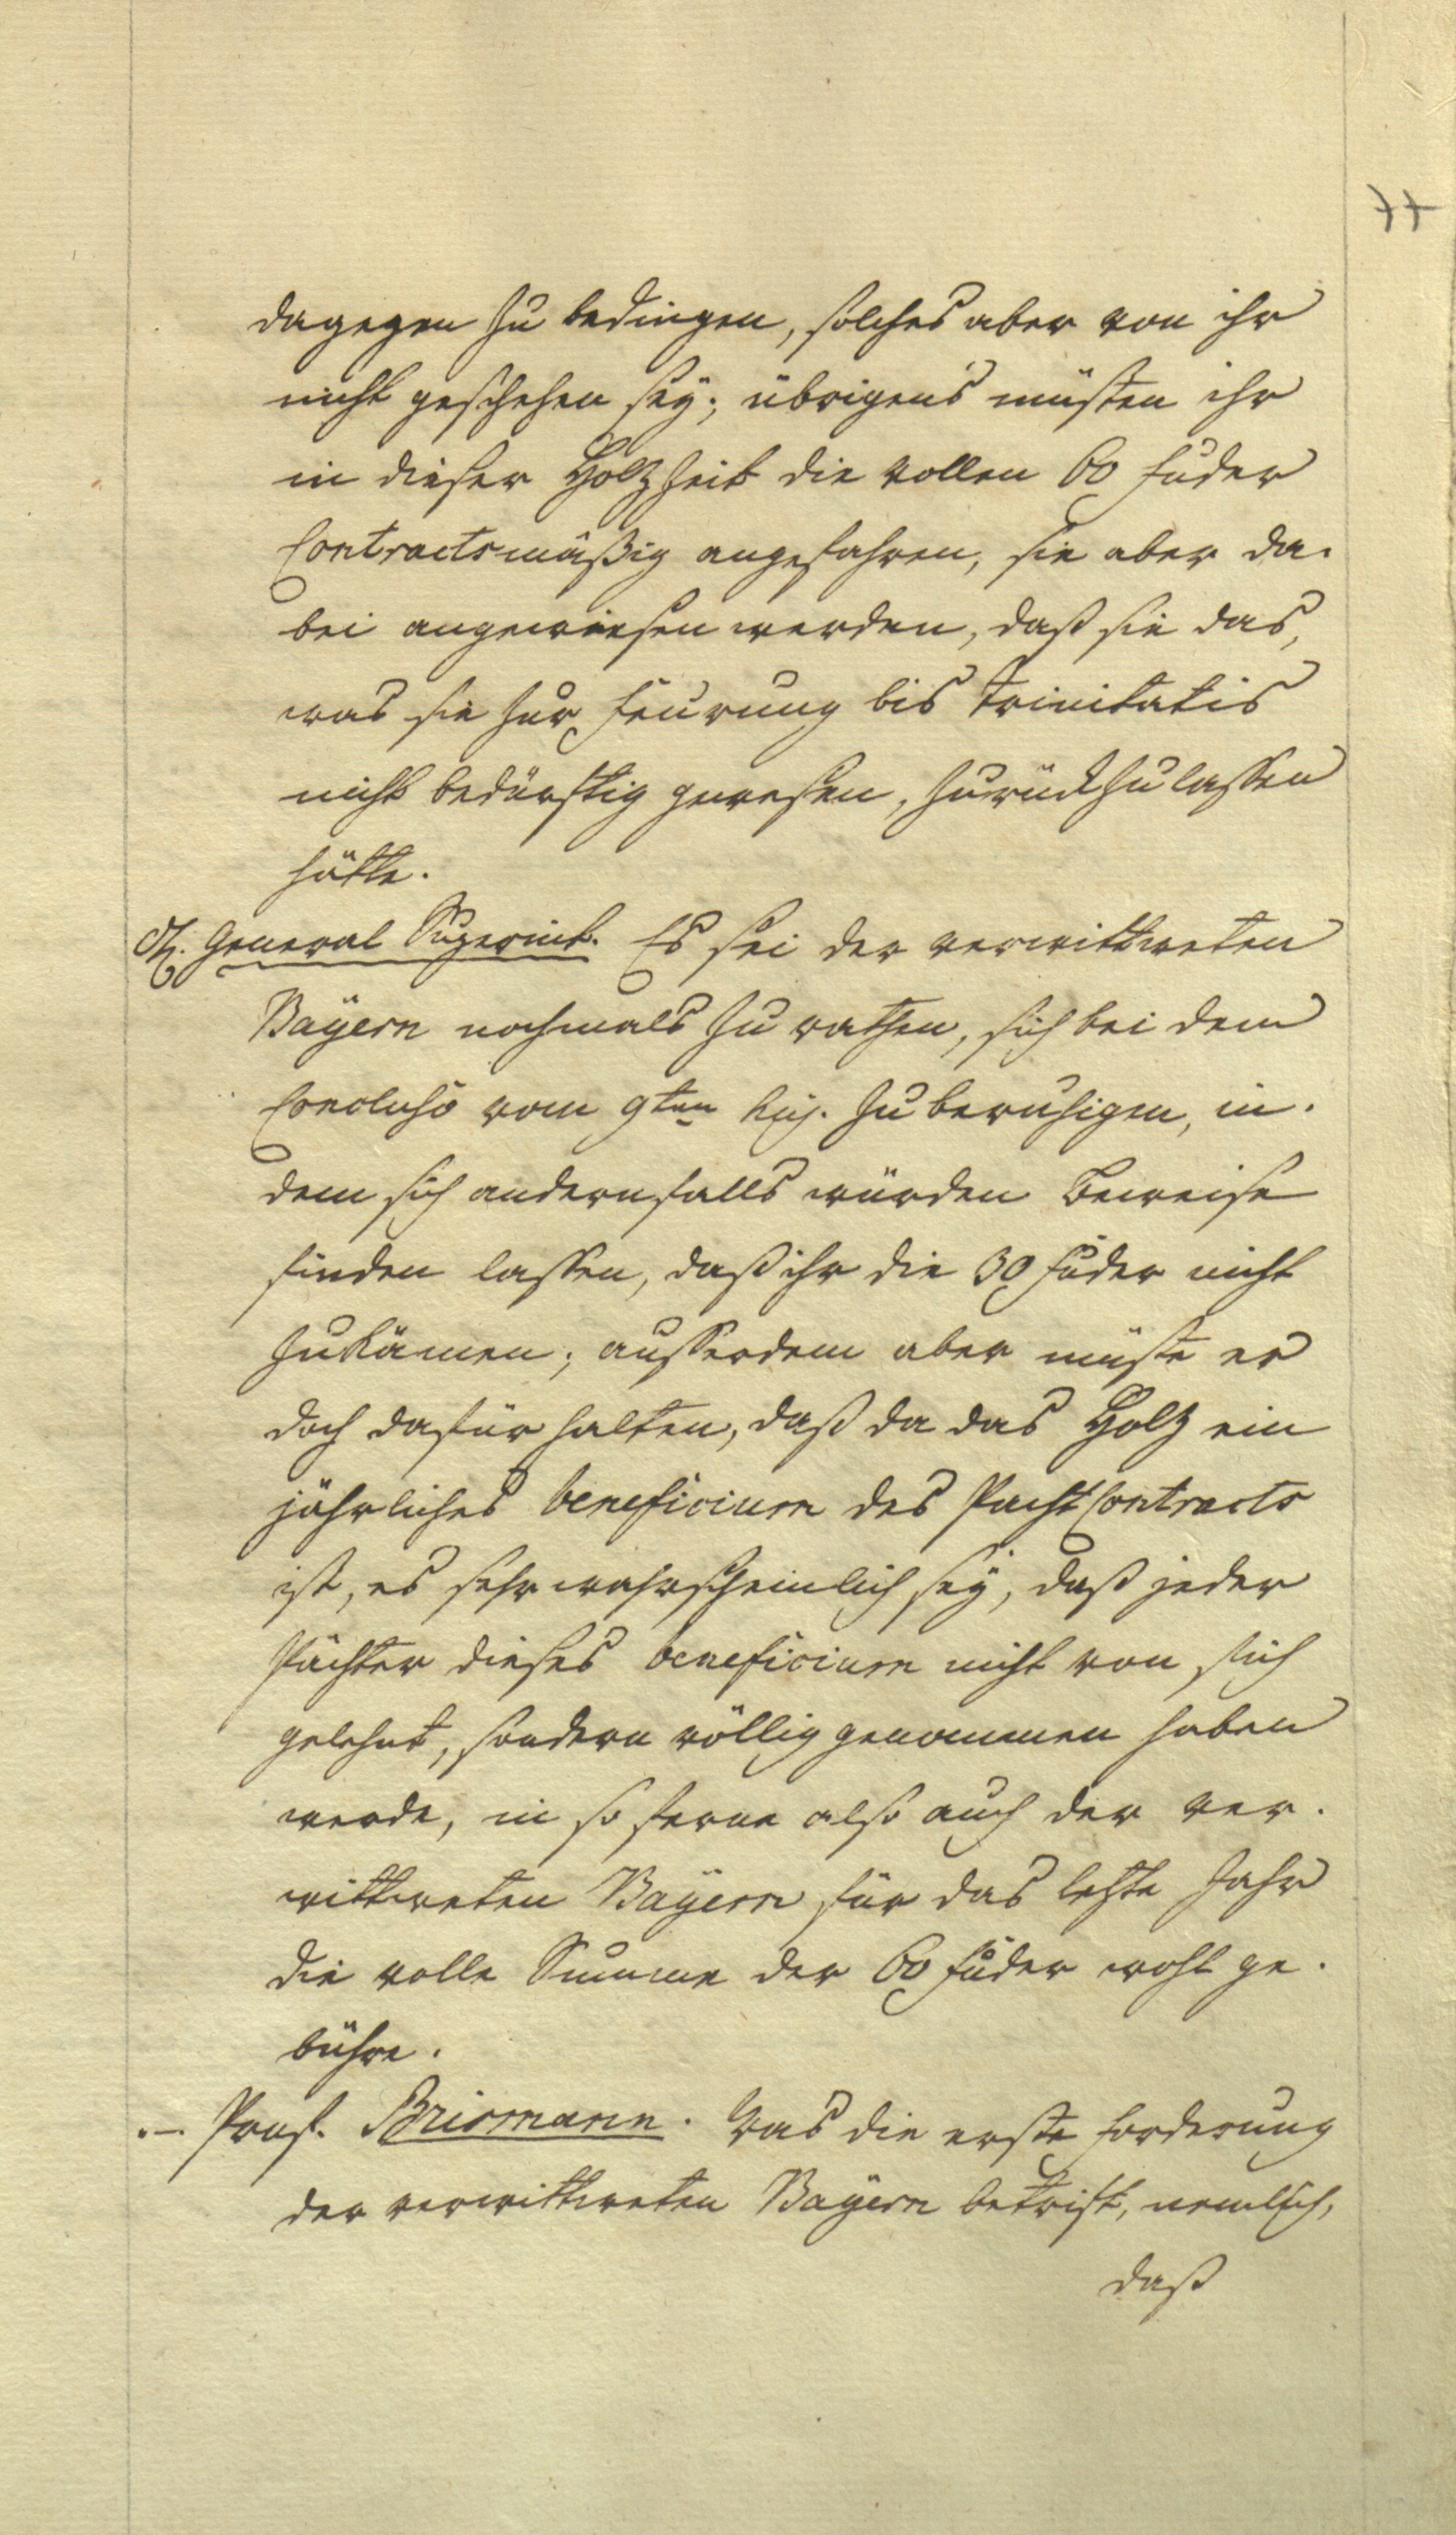dagegen zu bedingen, solches aber von ihr
nicht geschehen seÿ; übrigens müßten ihr
in dieser Holz Zeit die vollen 60 Fuder
Contractsmäßig angefahren, sie aber da¬
bei angewiesen werden, daß sie das,
was sie zur Feurung bis Trinitatis
nicht bedürftig gewesen, zurückzulassen
hätte.
dh. General Superint. Es sei der verwittweten
Baÿern nochmals zu rathen, sich bei dem
Concluso vom 9 ten huj. zu beruhigen, in¬
dem sich andernfalls würden Beweise
finden lassen, daß ihr die 30 Fuder nicht
zukämen; ausserdem aber müßte er
doch dafür halten, daß da das Holz ein
jährliches beneficium des Pacht Contracts
ist, es sehr wahrscheinlich seÿ, daß jeder
Pächter dieses beneficium nicht von sich
gelehnt, sondern völlig genommen haben
werde, in so ferne also auch der ver¬
wittweten Baÿern für das letzte Jahr
die volle Summe der 60 Fuder wohl ge¬
bühre.
Prof. Brismann. Was die erste Forderung
der verwittweten Baÿern betrift, nemlich,
daß